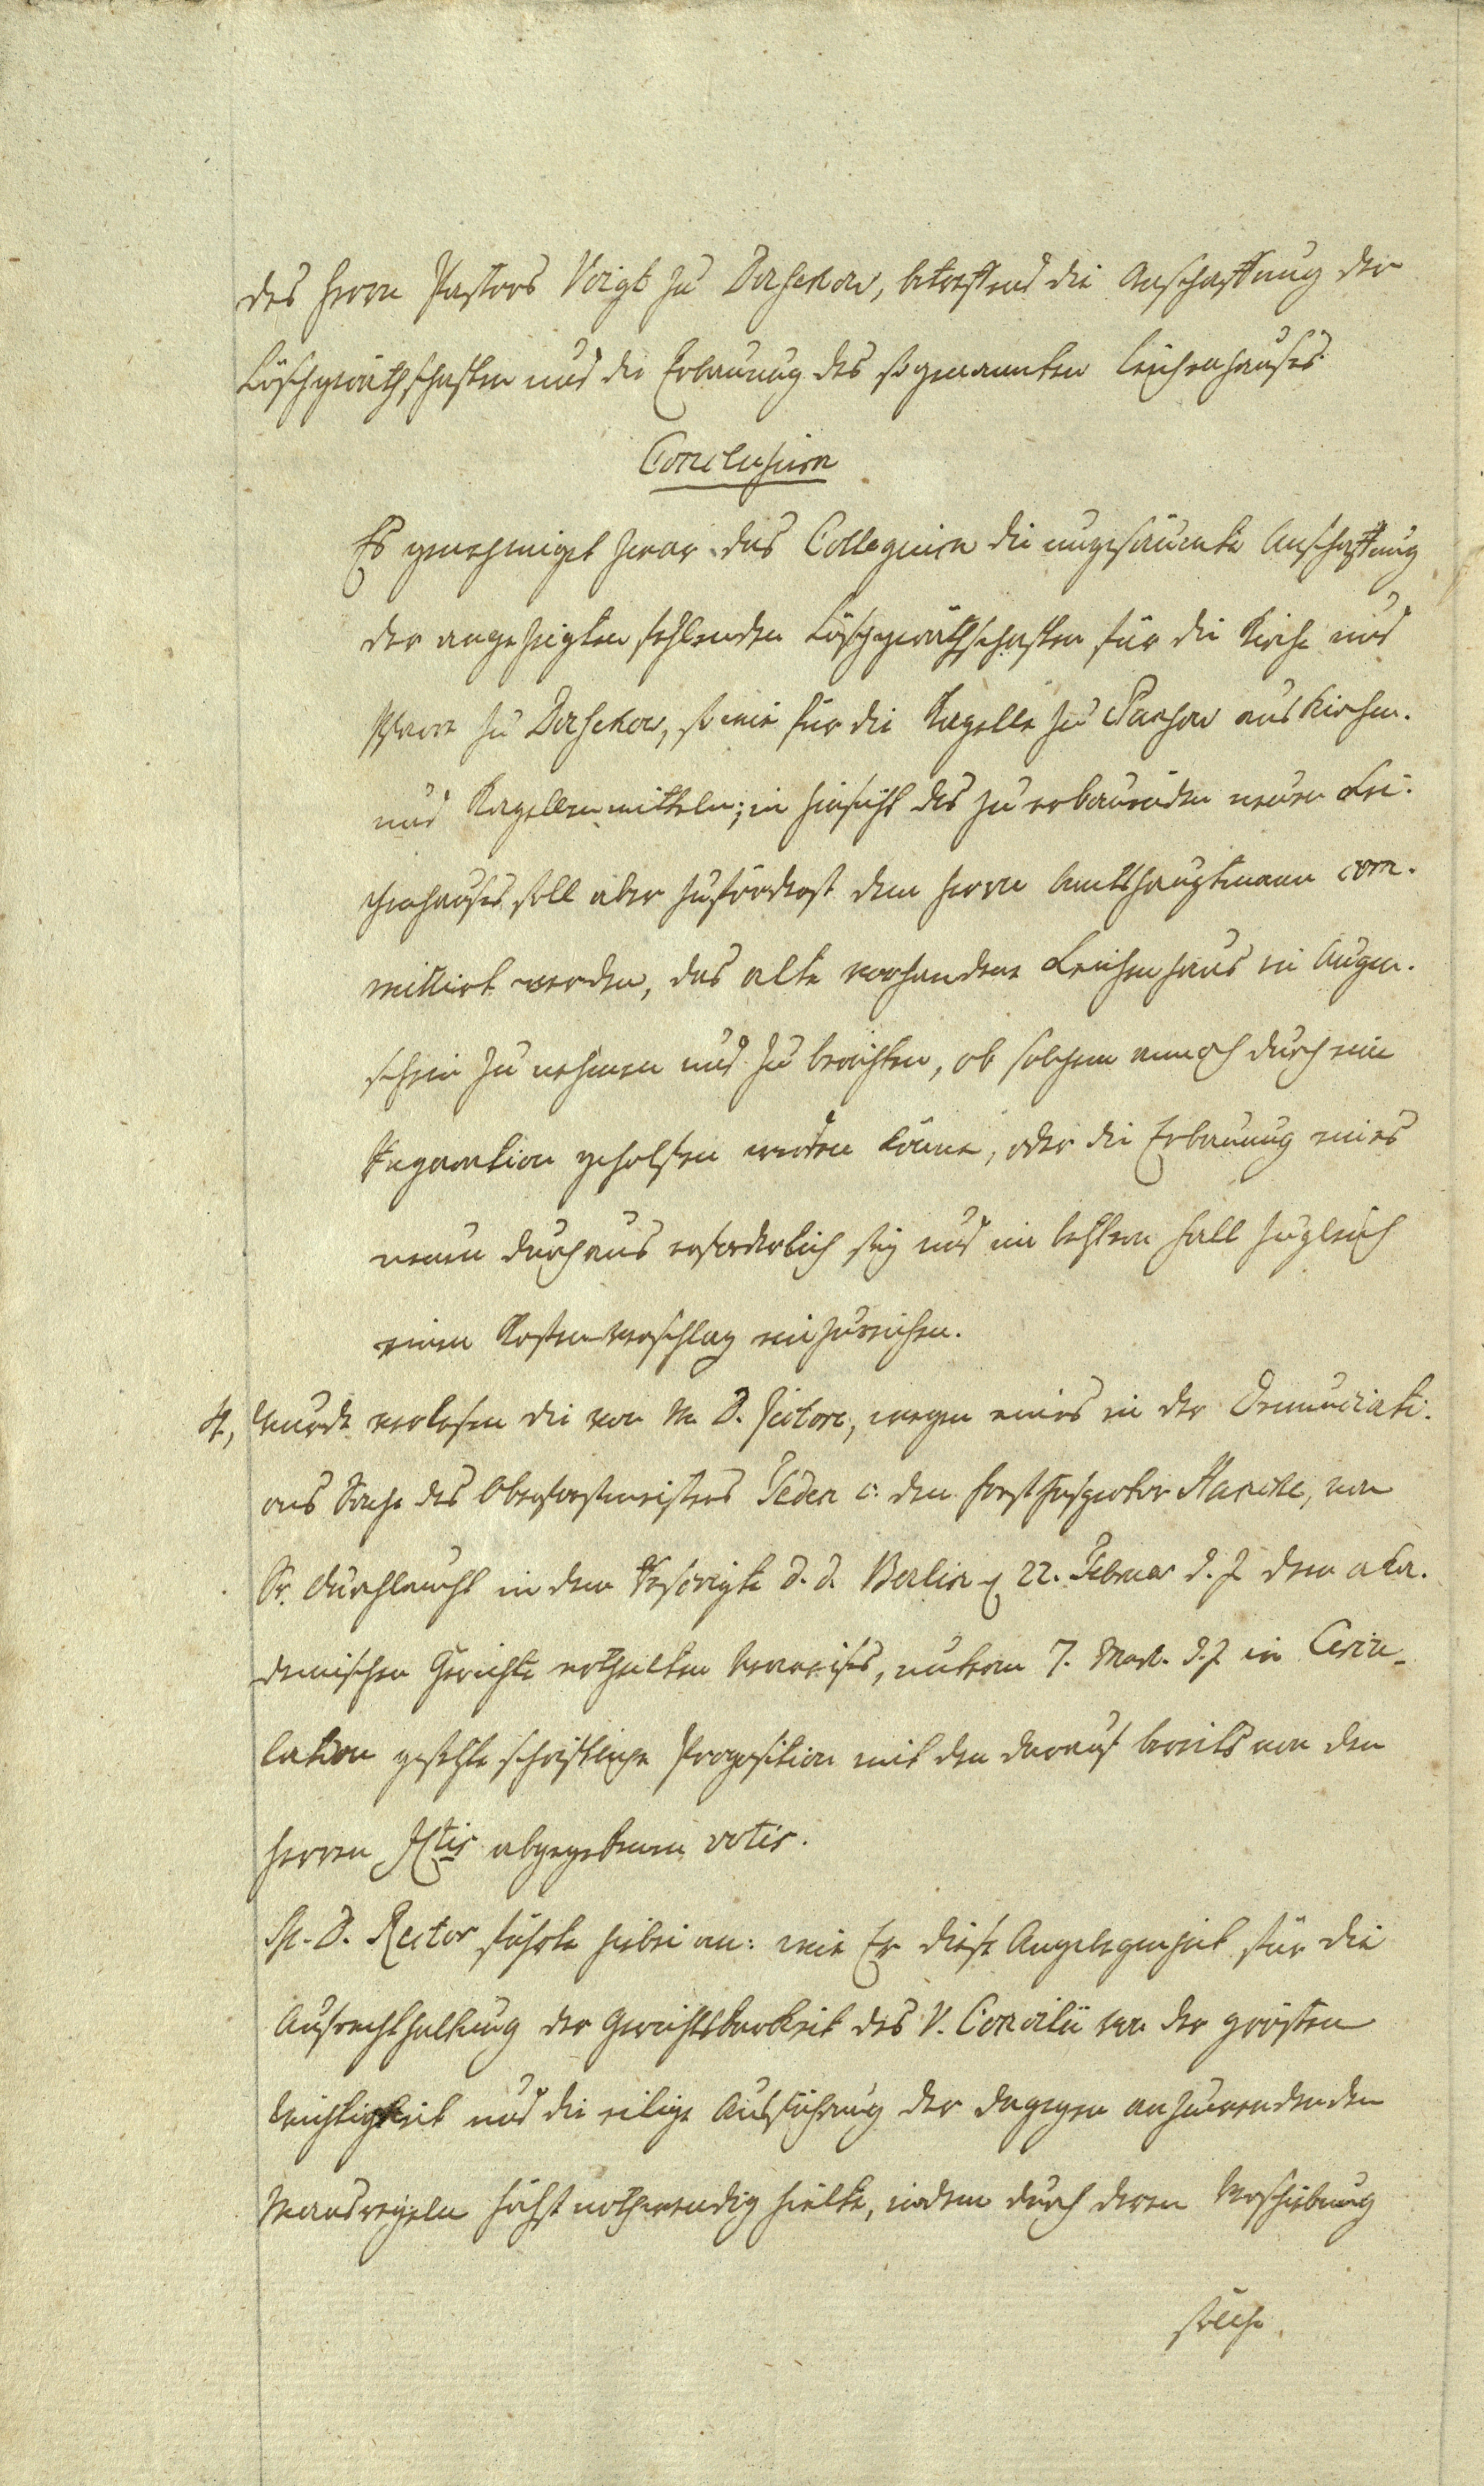des Herrn Pastors Voigt zu Dersekow, betreffend die Anschaffung der
Löschgeräthschaften und die Erbauung des sogenannten Leichenhauses.
Conclusum
Es genehmiget zwar das Collegium die ungesäumte Anschaffung
der angezeigten fehlenden Löschgeräthschaften für die Kirche und
Pfarre zu Dersekow, so wie für die Kapelle zu Pansow aus Kirchen-
und Kapellenmitteln; in Hinsicht des zu erbauenden neuen Lei¬
chenhauses soll aber zuförderst dem Herrn Amtshauptmann com¬
mittirt werden, das alte vorhandene Leichenhaus in Augen¬
schein zu nehmen und zu berichten, ob solchem annoch durch eine
Reparation geholfen werden könne, oder die Erbauung eines
neuen durchaus erforderlich seÿ und im letztern Fall zugleich
einen KostenVerschlag einzureichen.
4., Wurde verlesen die von M. D. Rectore, wegen eines in der Denunciati¬
ons Sache des Oberforstmeisters Teden c. den ForstInspector Hancke, von
Sr. Durchlaucht in dem Rescripte d. d. Berlin 22. Februar d. J. dem aka¬
demischen Gerichte ertheilten Verweises, unterm 7. Mart. d. J. in Circu¬
lation gesetzte schriftliche Proposition mit den darauf bereits vom den
Herren Iltis. abgegebenen votis.
M. D. Rector führte hiebei an: wie Er diese Angelegenheit für die
Aufrechthaltung der Gerichtsbarkeit des V. Concilii von der grösten
Wichtigkeit und die eilige Ausführung der dagegen an zuwendenden
Maasregeln höchst nothwendig hielte, indem durch deren Verschiebung
solche,